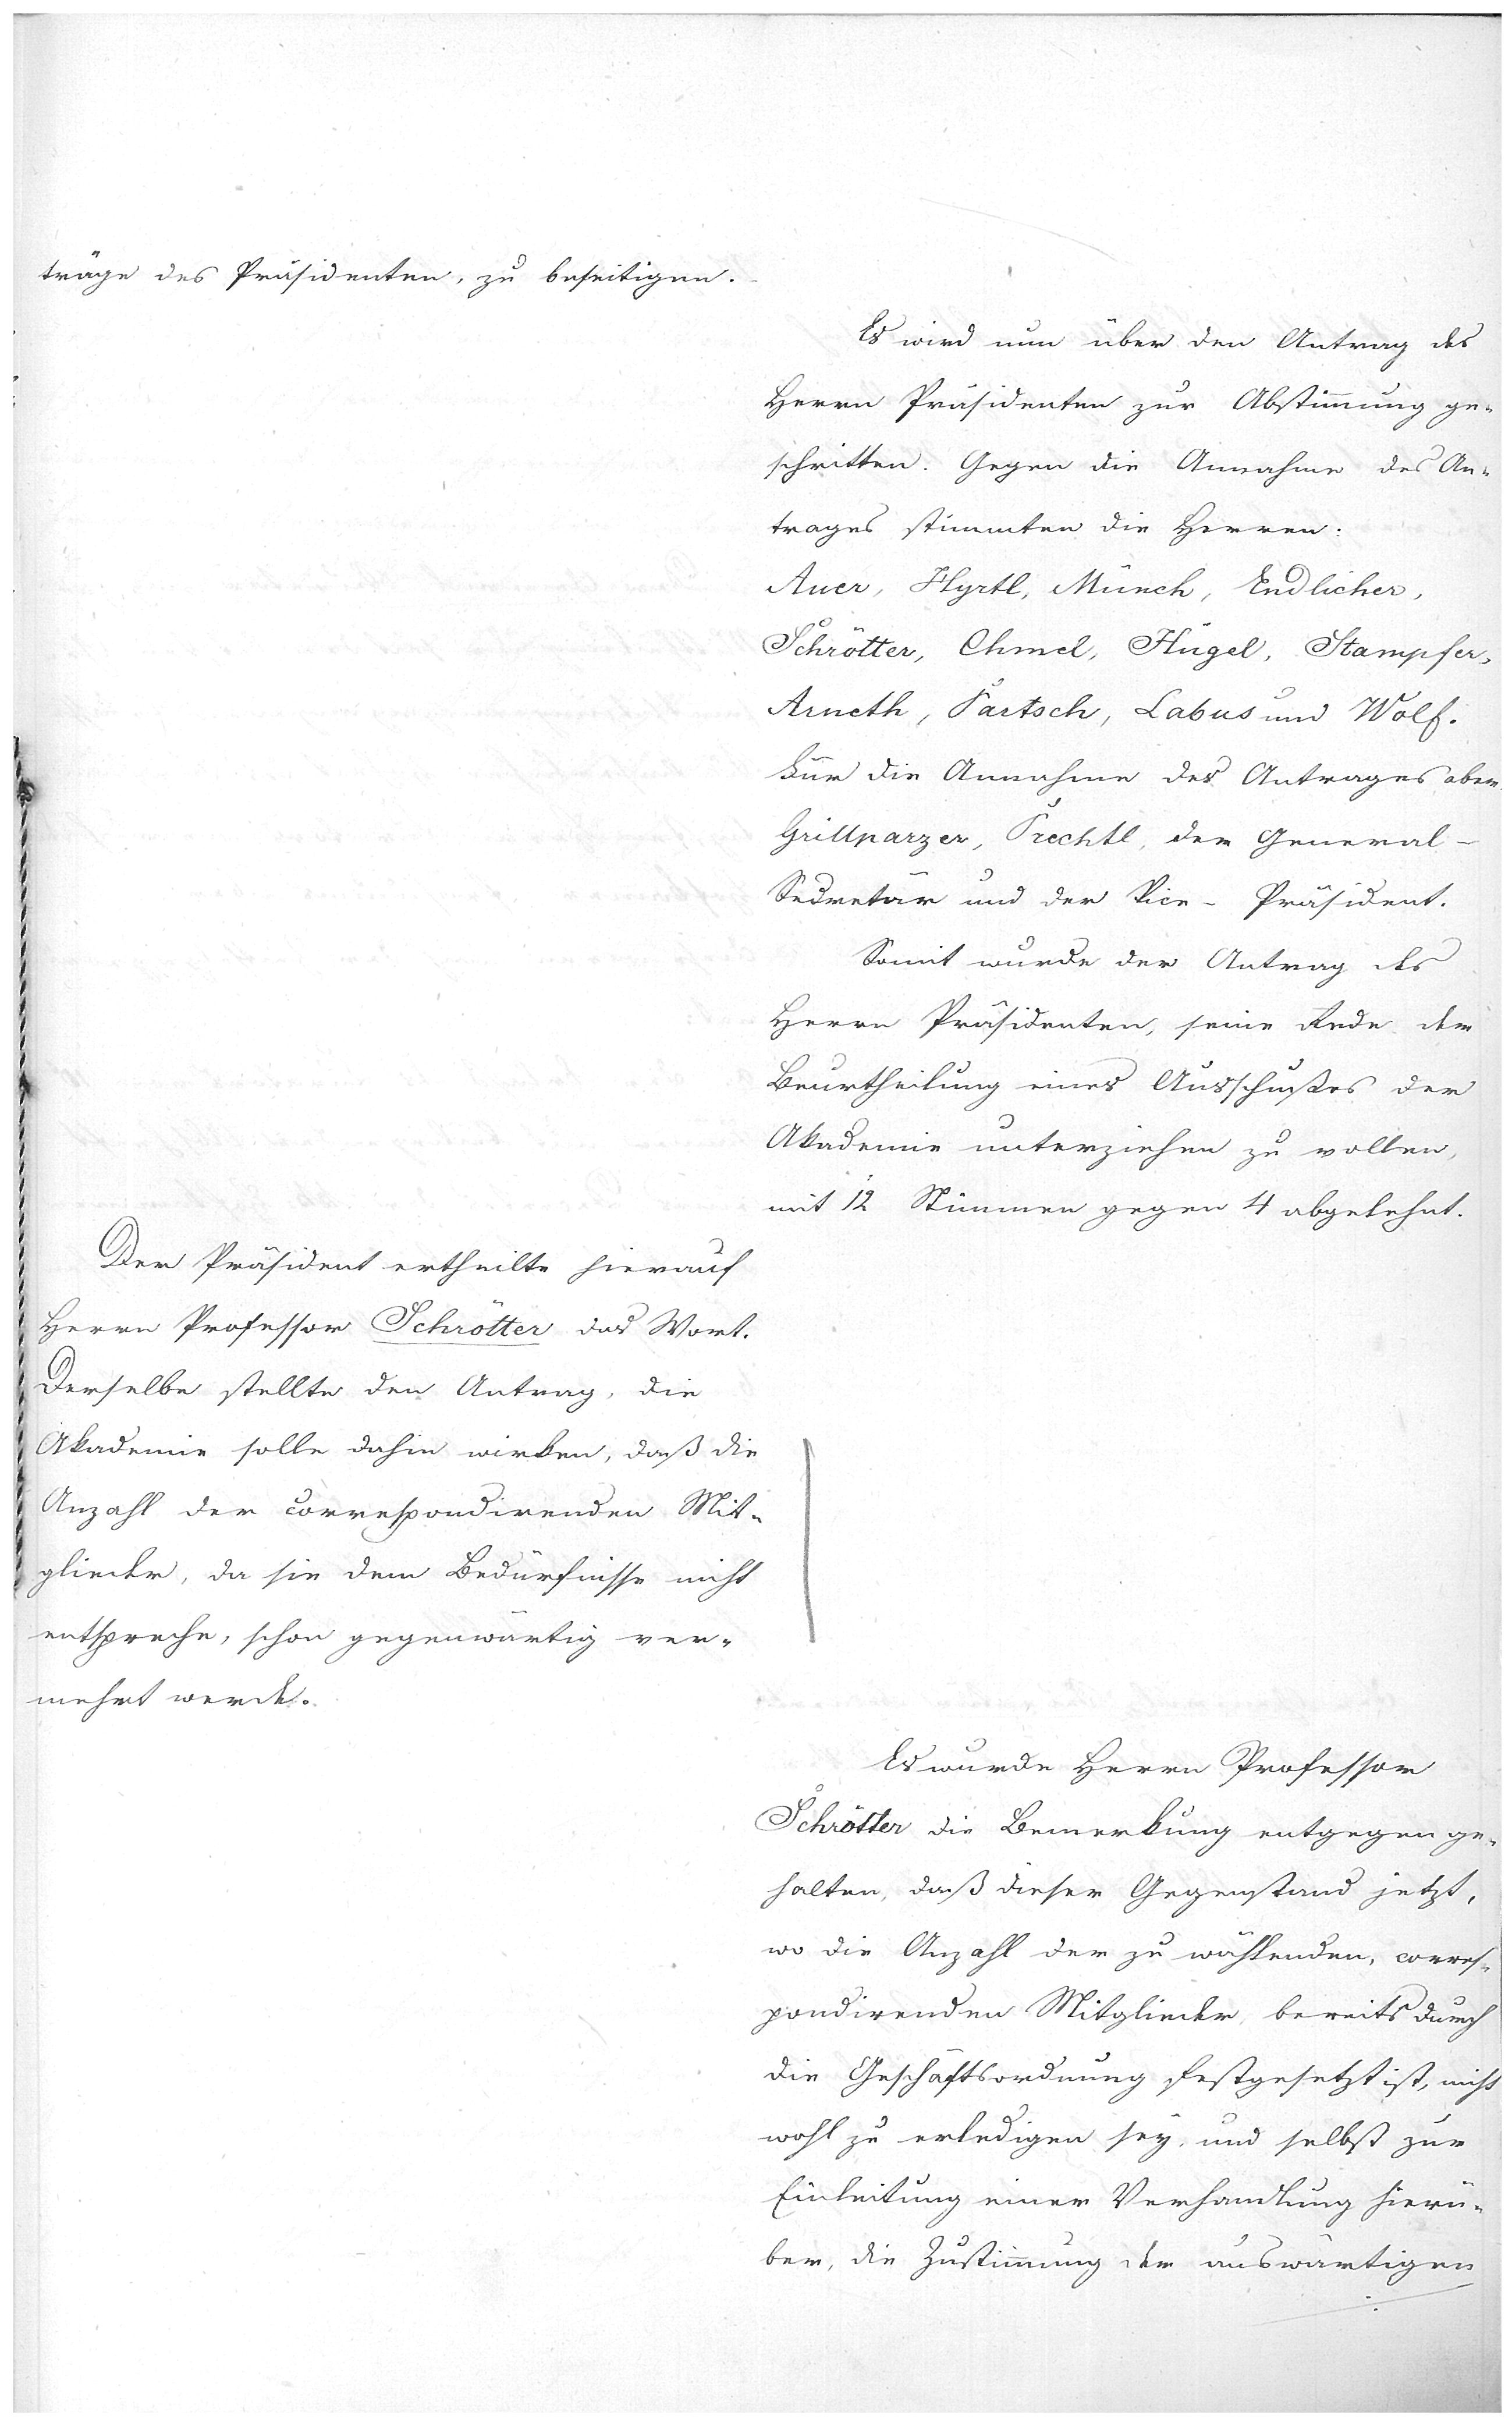träge des Präsidenten zu beseitigen.
Es wird nun über den Antrag des
Herrn Präsidenten zur Abstimmung ge-
schritten. Gegen die Annahme des An-
trages stimmten die Herren:
Auer, Hyrtl, Münch, Endlicher,
Schrötter, Chmel, Hügel, Stampfer,
Arneth, Partsch, Labus und Wolf.
Für die Annahme des Antrages aber
Grillparzer, Prechtl, der General-
Secretär und der Vice-Präsident.
Somit wurde der Antrag des
Herrn Präsidenten, seine Rede der
Beurtheilung eines Ausschusses der
Akademie unterziehen zu wollen,
mit 12 Stimmen gegen 4 abgelehnt.
Der Präsident ertheilte hierauf
Herrn Professor Schrötter das Wort.
Derselbe stellte den Antrag, die
Akademie solle dahin wirken, daß die
Anzahl der correspondirenden Mit-
glieder, da sie dem Bedürfnisse nicht
entspreche, schon gegenwärtig ver-
mehrt werde.
Es wurde Herrn Professor
Schrötter die Bemerkung entgegen ge-
halten, daß dieser Gegenstand jetzt,
wo die Anzahl der zu wählenden, corres-
pondirenden Mitglieder bereits durch
die Geschäftsordnung festgestezt ist, nicht
wohl zu erledigen sey und selbst zur
Enleitung einer Verhandlung hierü-
ber, die Zustimmung der auswärtigen